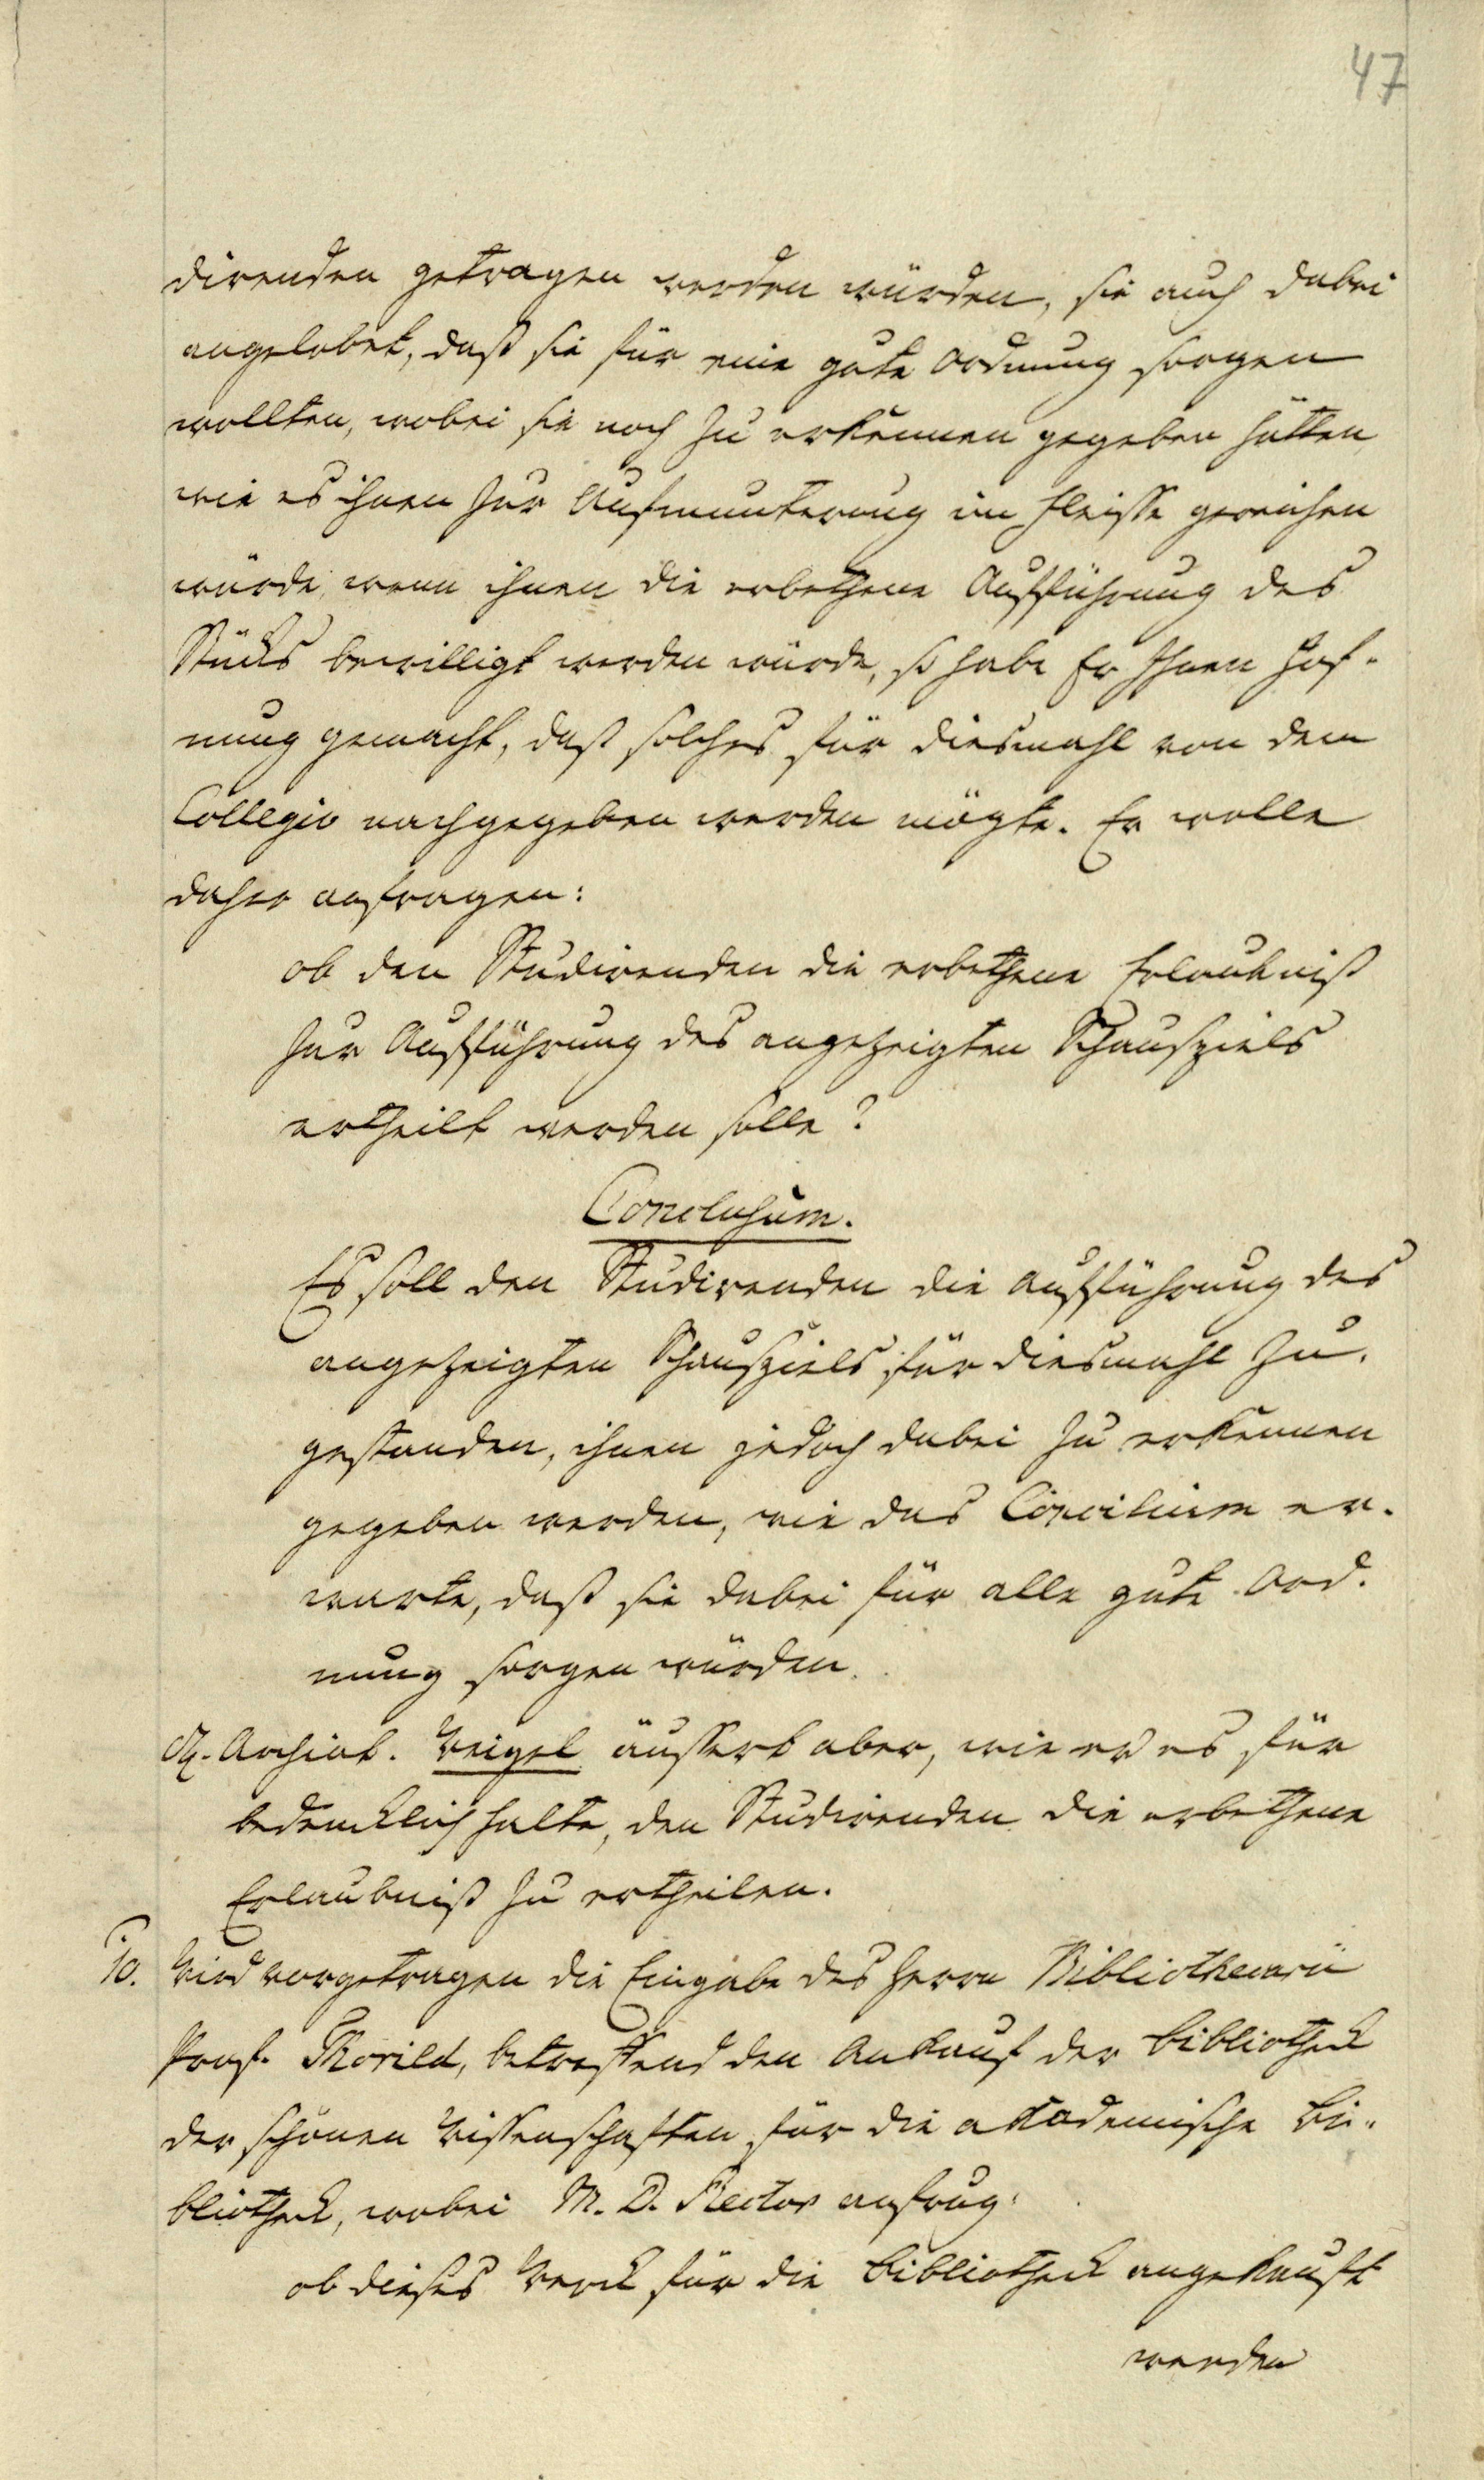direnden getragen werden würden, sie auch dabei
angelobet, daß sie für eine gute Ordnung sorgen
wollten, wobei sie noch zu erkennen gegeben hätten
wie es ihnen zur Aufmunterung im Fleisse gereichen
würde, wenn ihnen die erbethene Aufführung des
Stücks bewilligt werden würde, so habe Er ihnen Hof¬
nung gemacht, daß solches für diesmahl von dem
Collegio nachgegeben werden mögte. Er wolle
daher anfragen:
ob den Studirenden die erbethene Erlaubniß
zur Anführung des angezeigten Schauspiels
ertheilt werden solle?
Conclusum.
Es soll den Studirenden die Aufführung des
angezeigten Schauspiels für diesmahl zu¬
gestanden, ihnen jedoch dabei zu erkennen
gegeben werden, wie das Concilium er¬
warte, daß sie dabei für alle gute Ord¬
nung sorgen würden.
dh. Archiat. Weigel äussert aber, wie er es für
bedencklich halte, den Studirenden die erbethene
Erlaubniß zu ertheilen.
10. Wird vorgetragen die Eingabe des Herrn Bibliothecarii
Prof. Thorild, betreffend den Ankauf der Bibliotheck
der schönen Wissenschaften für die akademische Bi¬
bliotheck, wobei M. D. Rector anfrug:
ob dieses Werck für die Bibliothek angekauft
werden